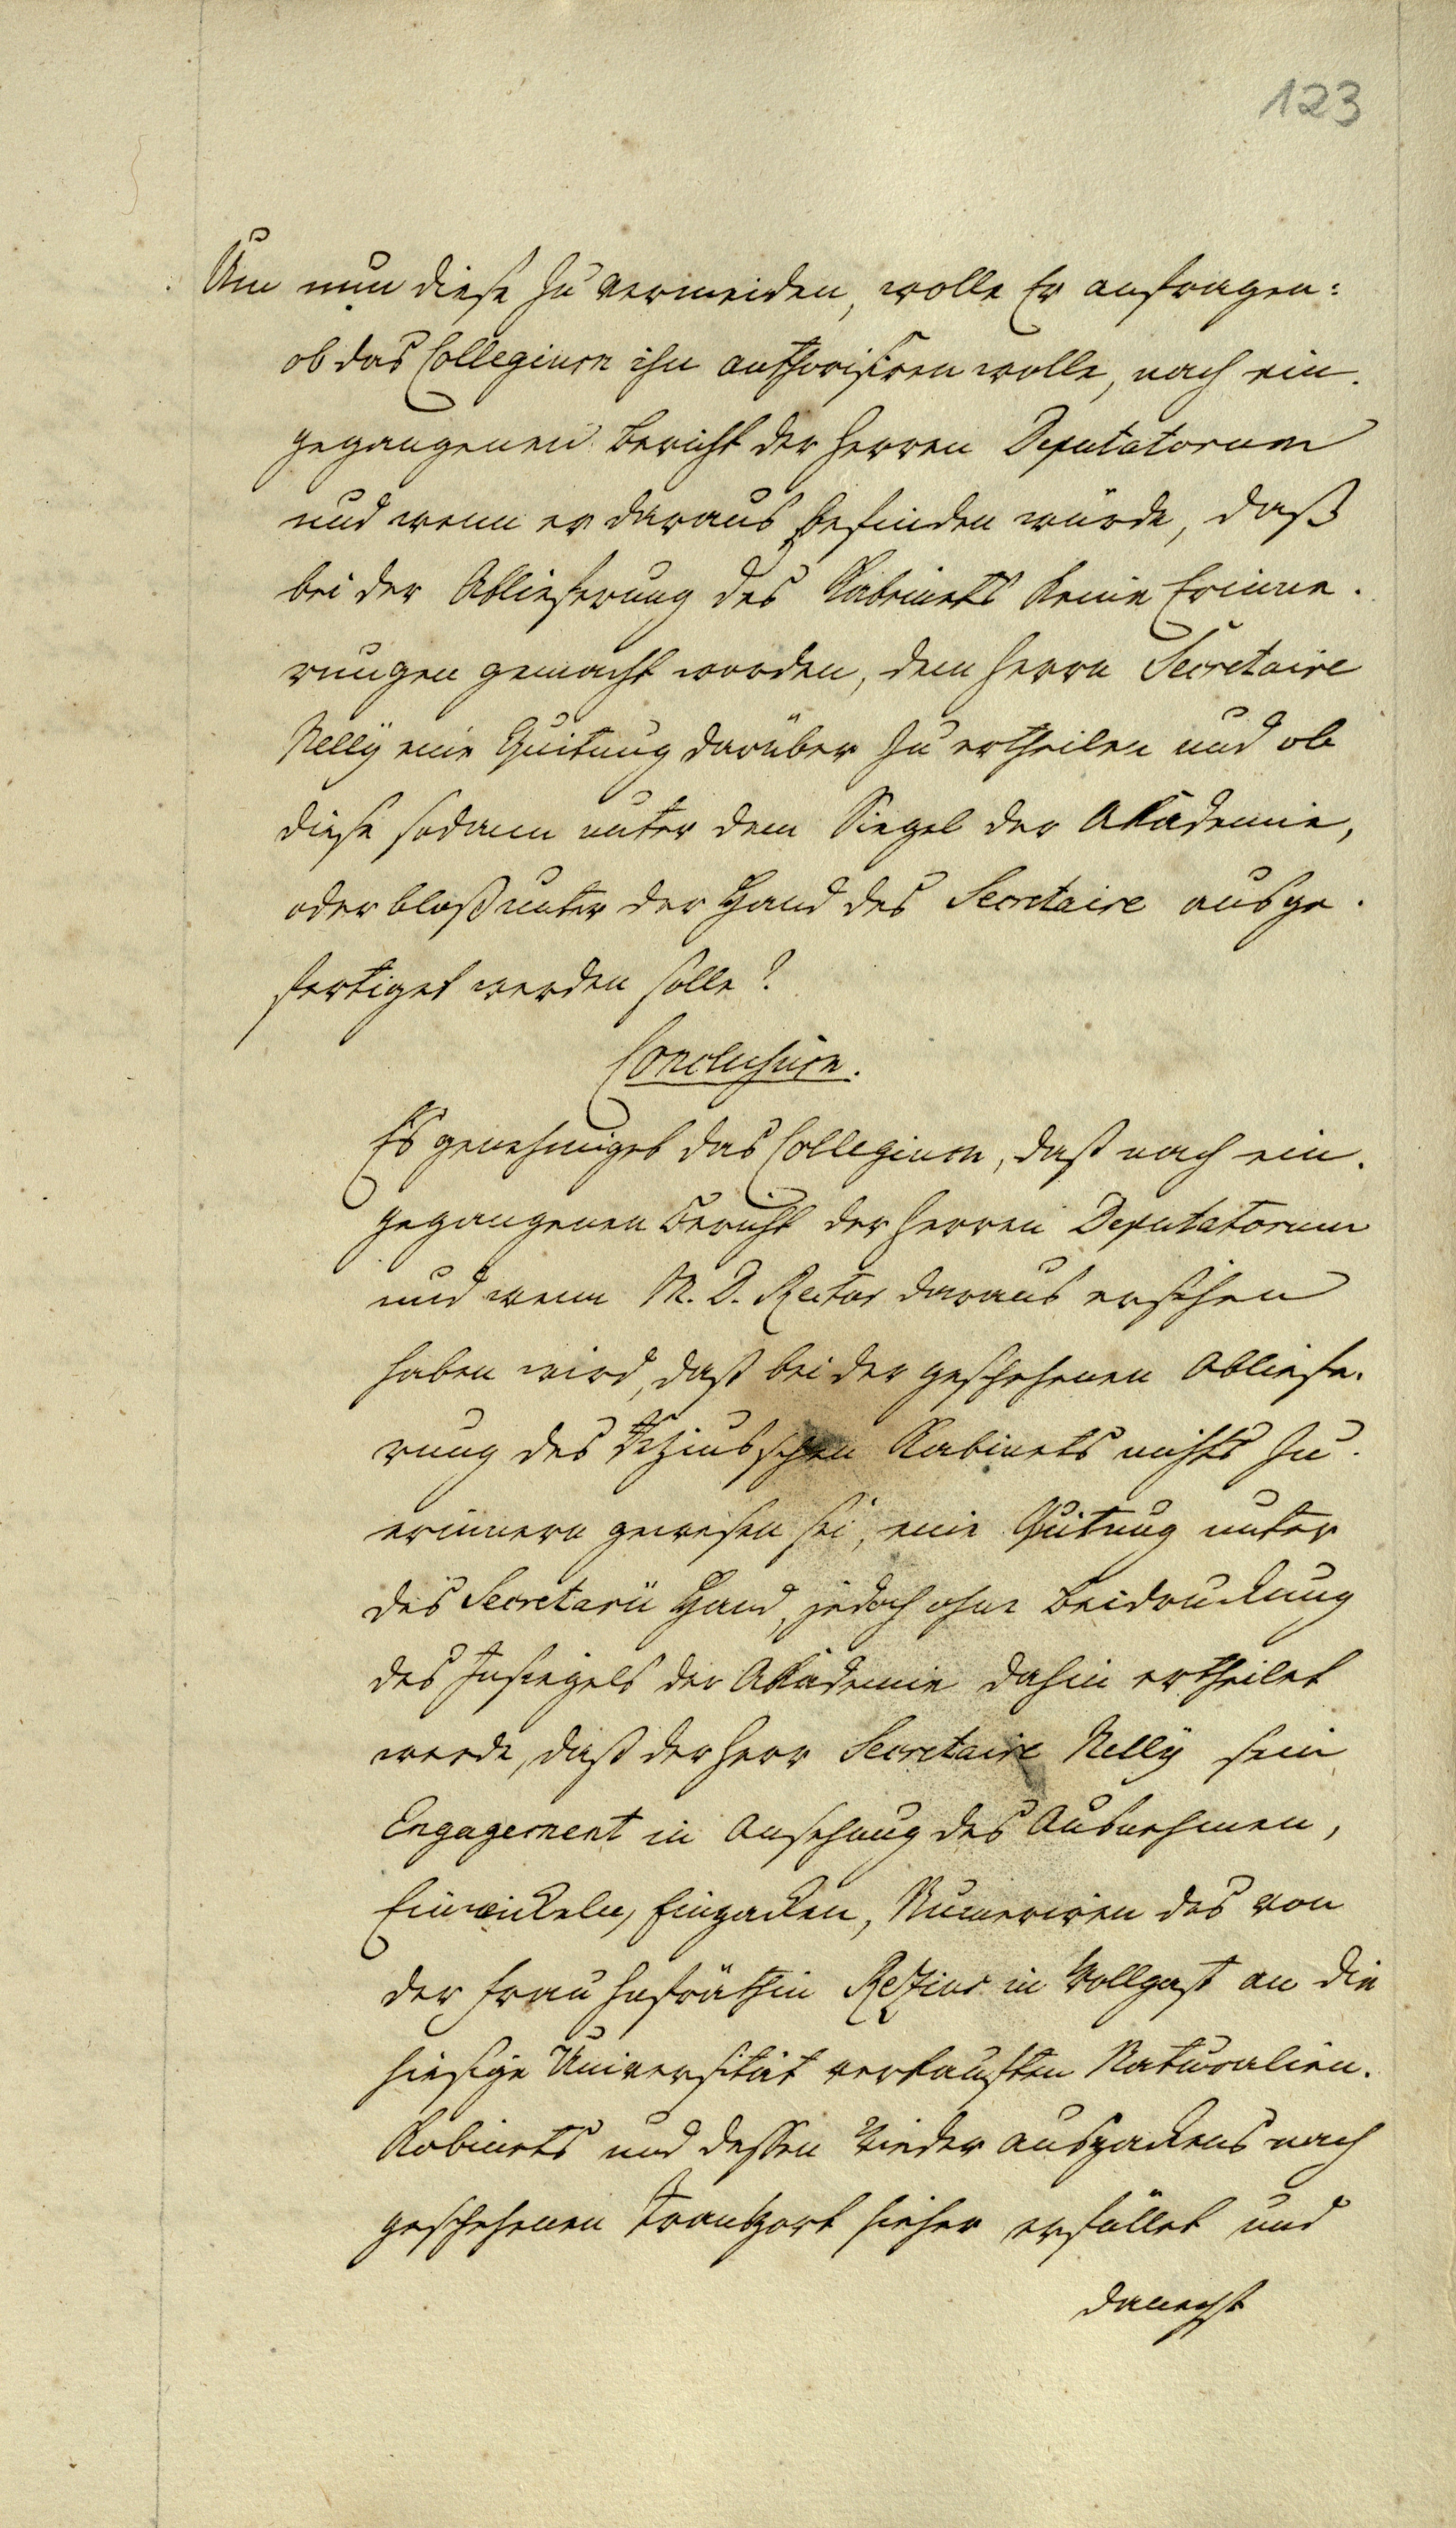Um nun diese zu vermeiden, wolle Er anfragen:
ob das Collegium ihn authorisiren wolle, nach ein¬
gegangenen Bericht der Herren Deputatorum
und wenn er daraus befinden würde, daß
bei der Ablieferung des Kabinets keine Erinne¬
rungen gemacht worden, dem Herrn Secretaire
Nellÿ eine Quitung darüber zu ertheilen und ob
diese sodann unter dem Siegel der Akademie
oder blos unter der Hand des Secretaire ausge¬
fertiget werden solle?
Conclusum.
Es genehmiget das Collegium, daß nach ein¬
gegangenen Bericht der Herren Deputatorum
und wenn M. D. Rector daraus ersehen
haben wird, daß bei der geschehenen Abliefe¬
rung des Reziusschen Kabinets nichts zu
erinnern gewesen sei, eine Quitung unter
des Secretarii Hand, jedoch ohne Beidruckung
des Insiegels der Akademie dahin ertheilet
werde, daß der Herr Secretaire Nellÿ sein
Engagement in Ansehung des Ausnehmen,
Einwickeln, Einpacken, Numeriren des von
der Frau Hofräthin Rezius in Wollgast an die
hiesige Universität verkauften Naturalien¬
Kabinets und dessen Wiederauspackens nach
geschehenen Transport hieher erfüllet und
danechst